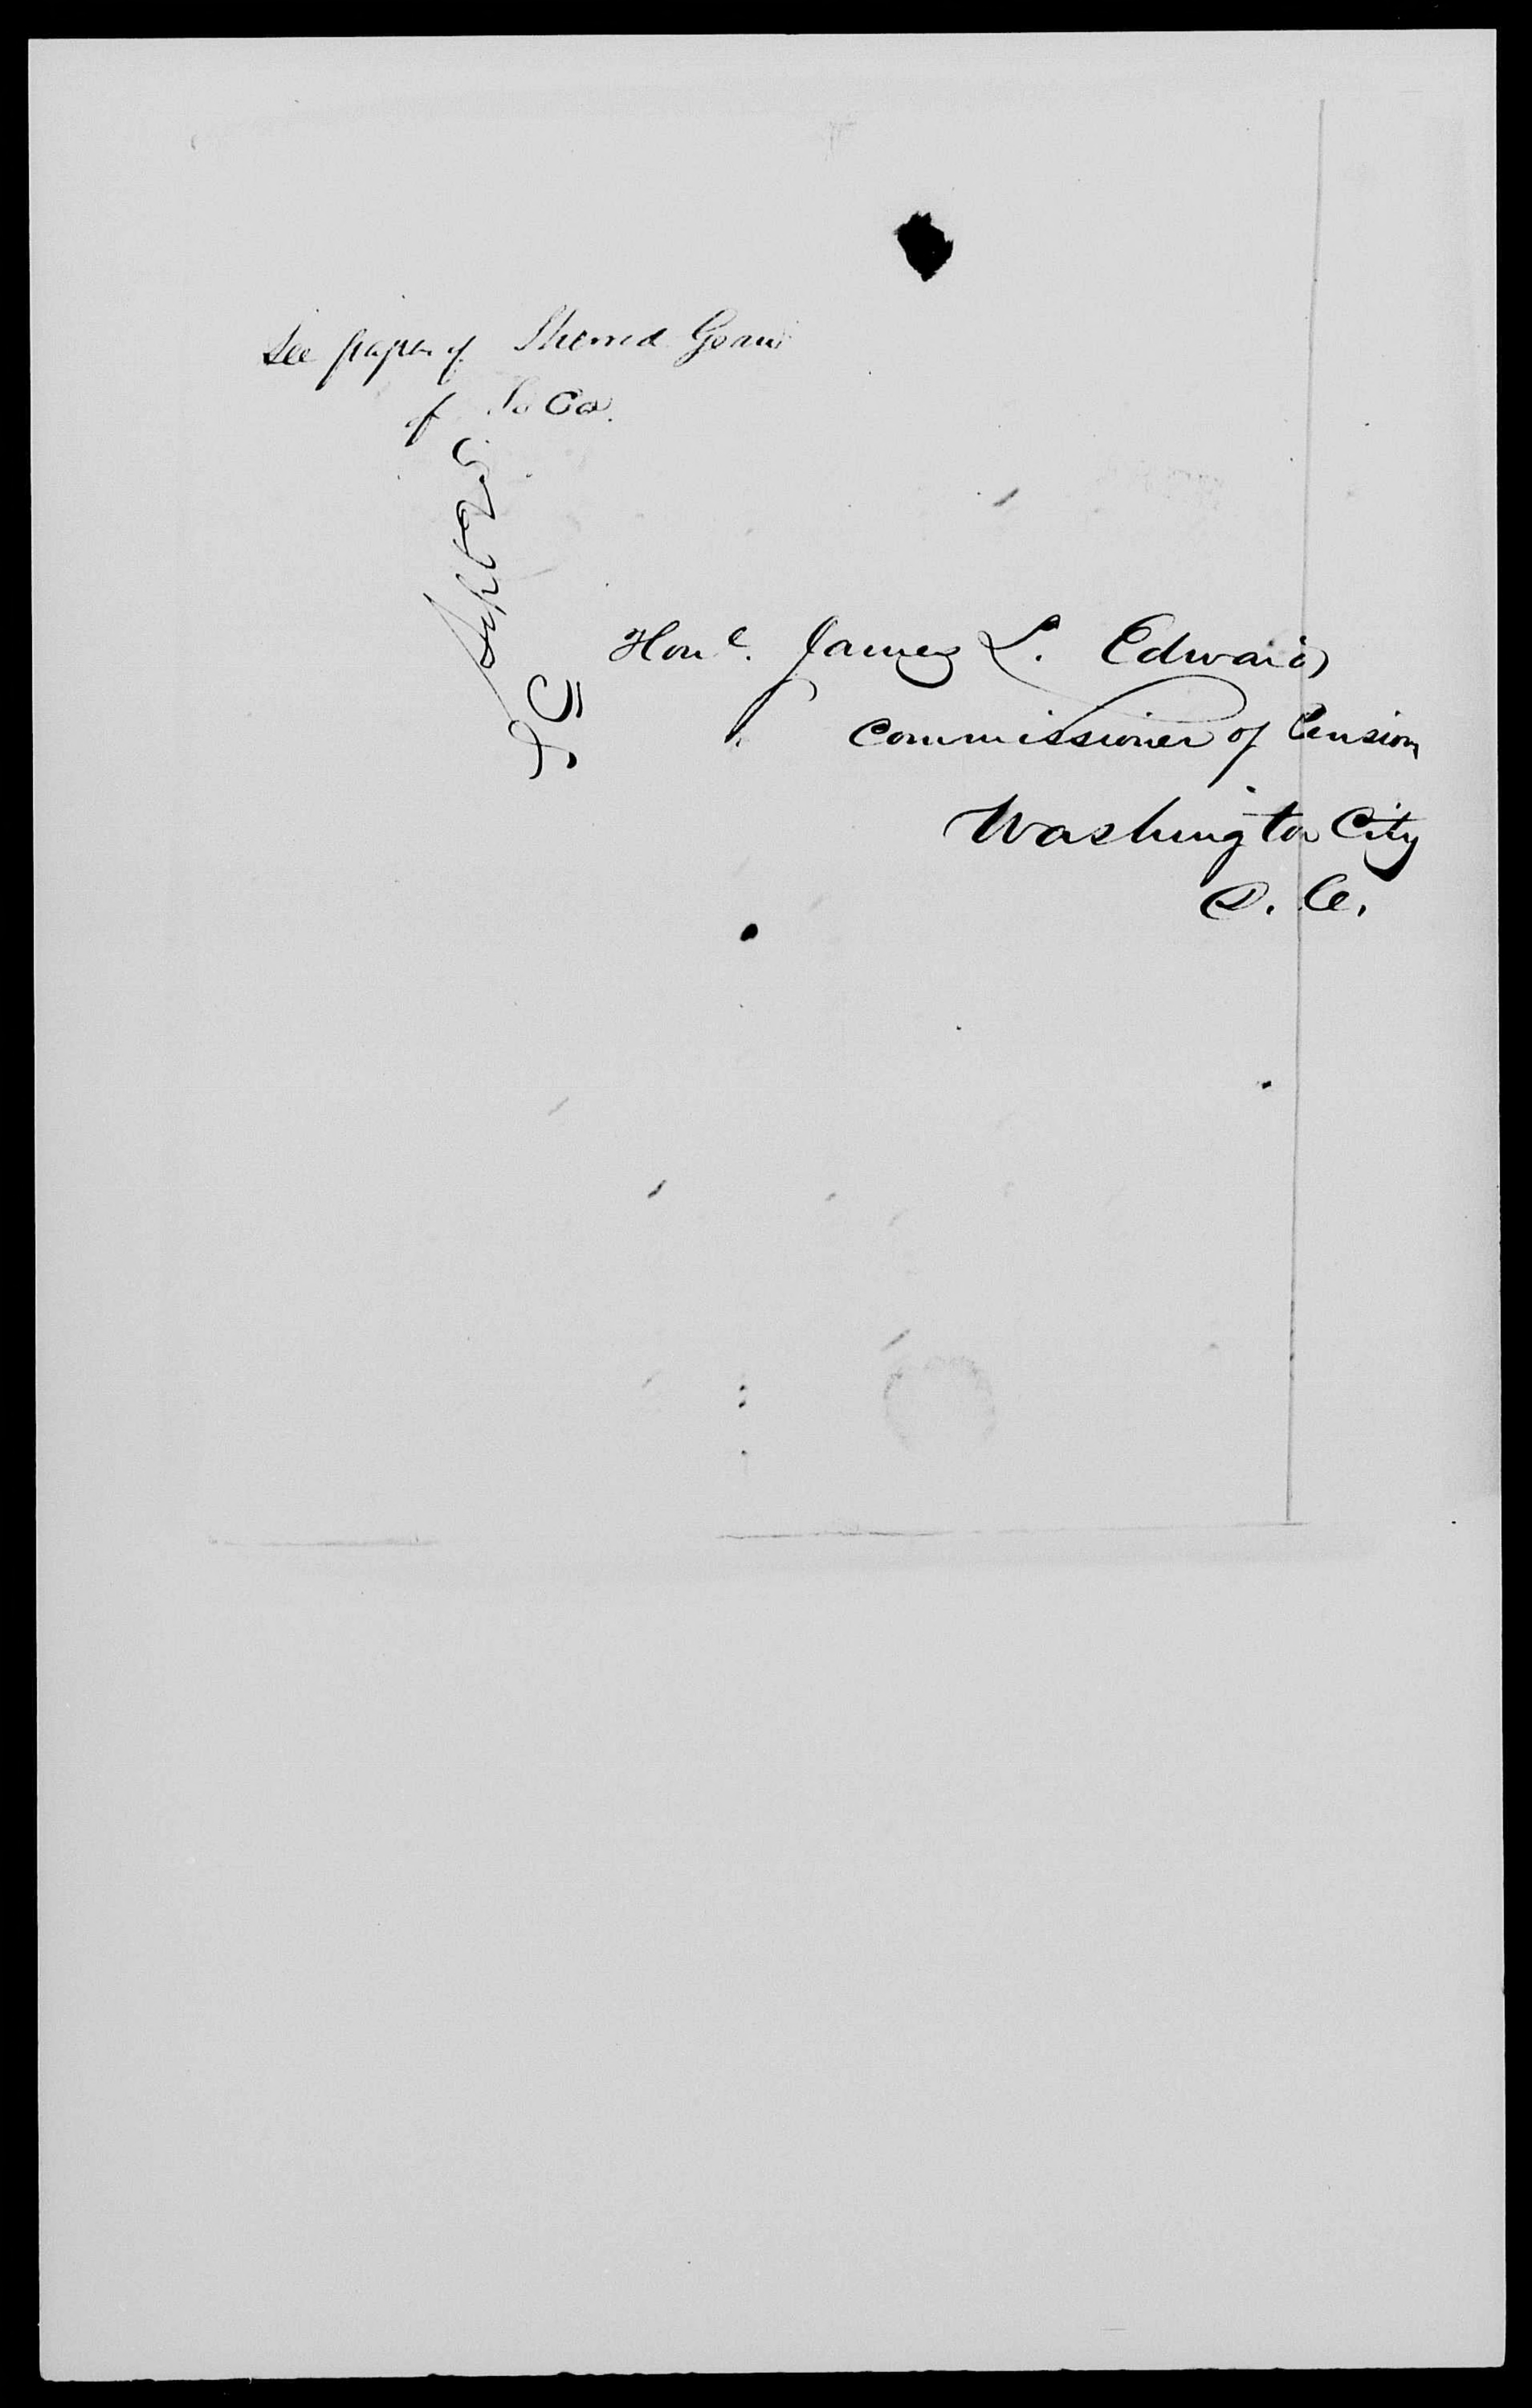see [  ] of Sherod Goan
of
So Ca
Hon James L. Edward
Commissioner of Pension

Washington City
D. C.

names: James L Edwards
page: 14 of 36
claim: survivor's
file: S 6571, John Bagwell, N.C.